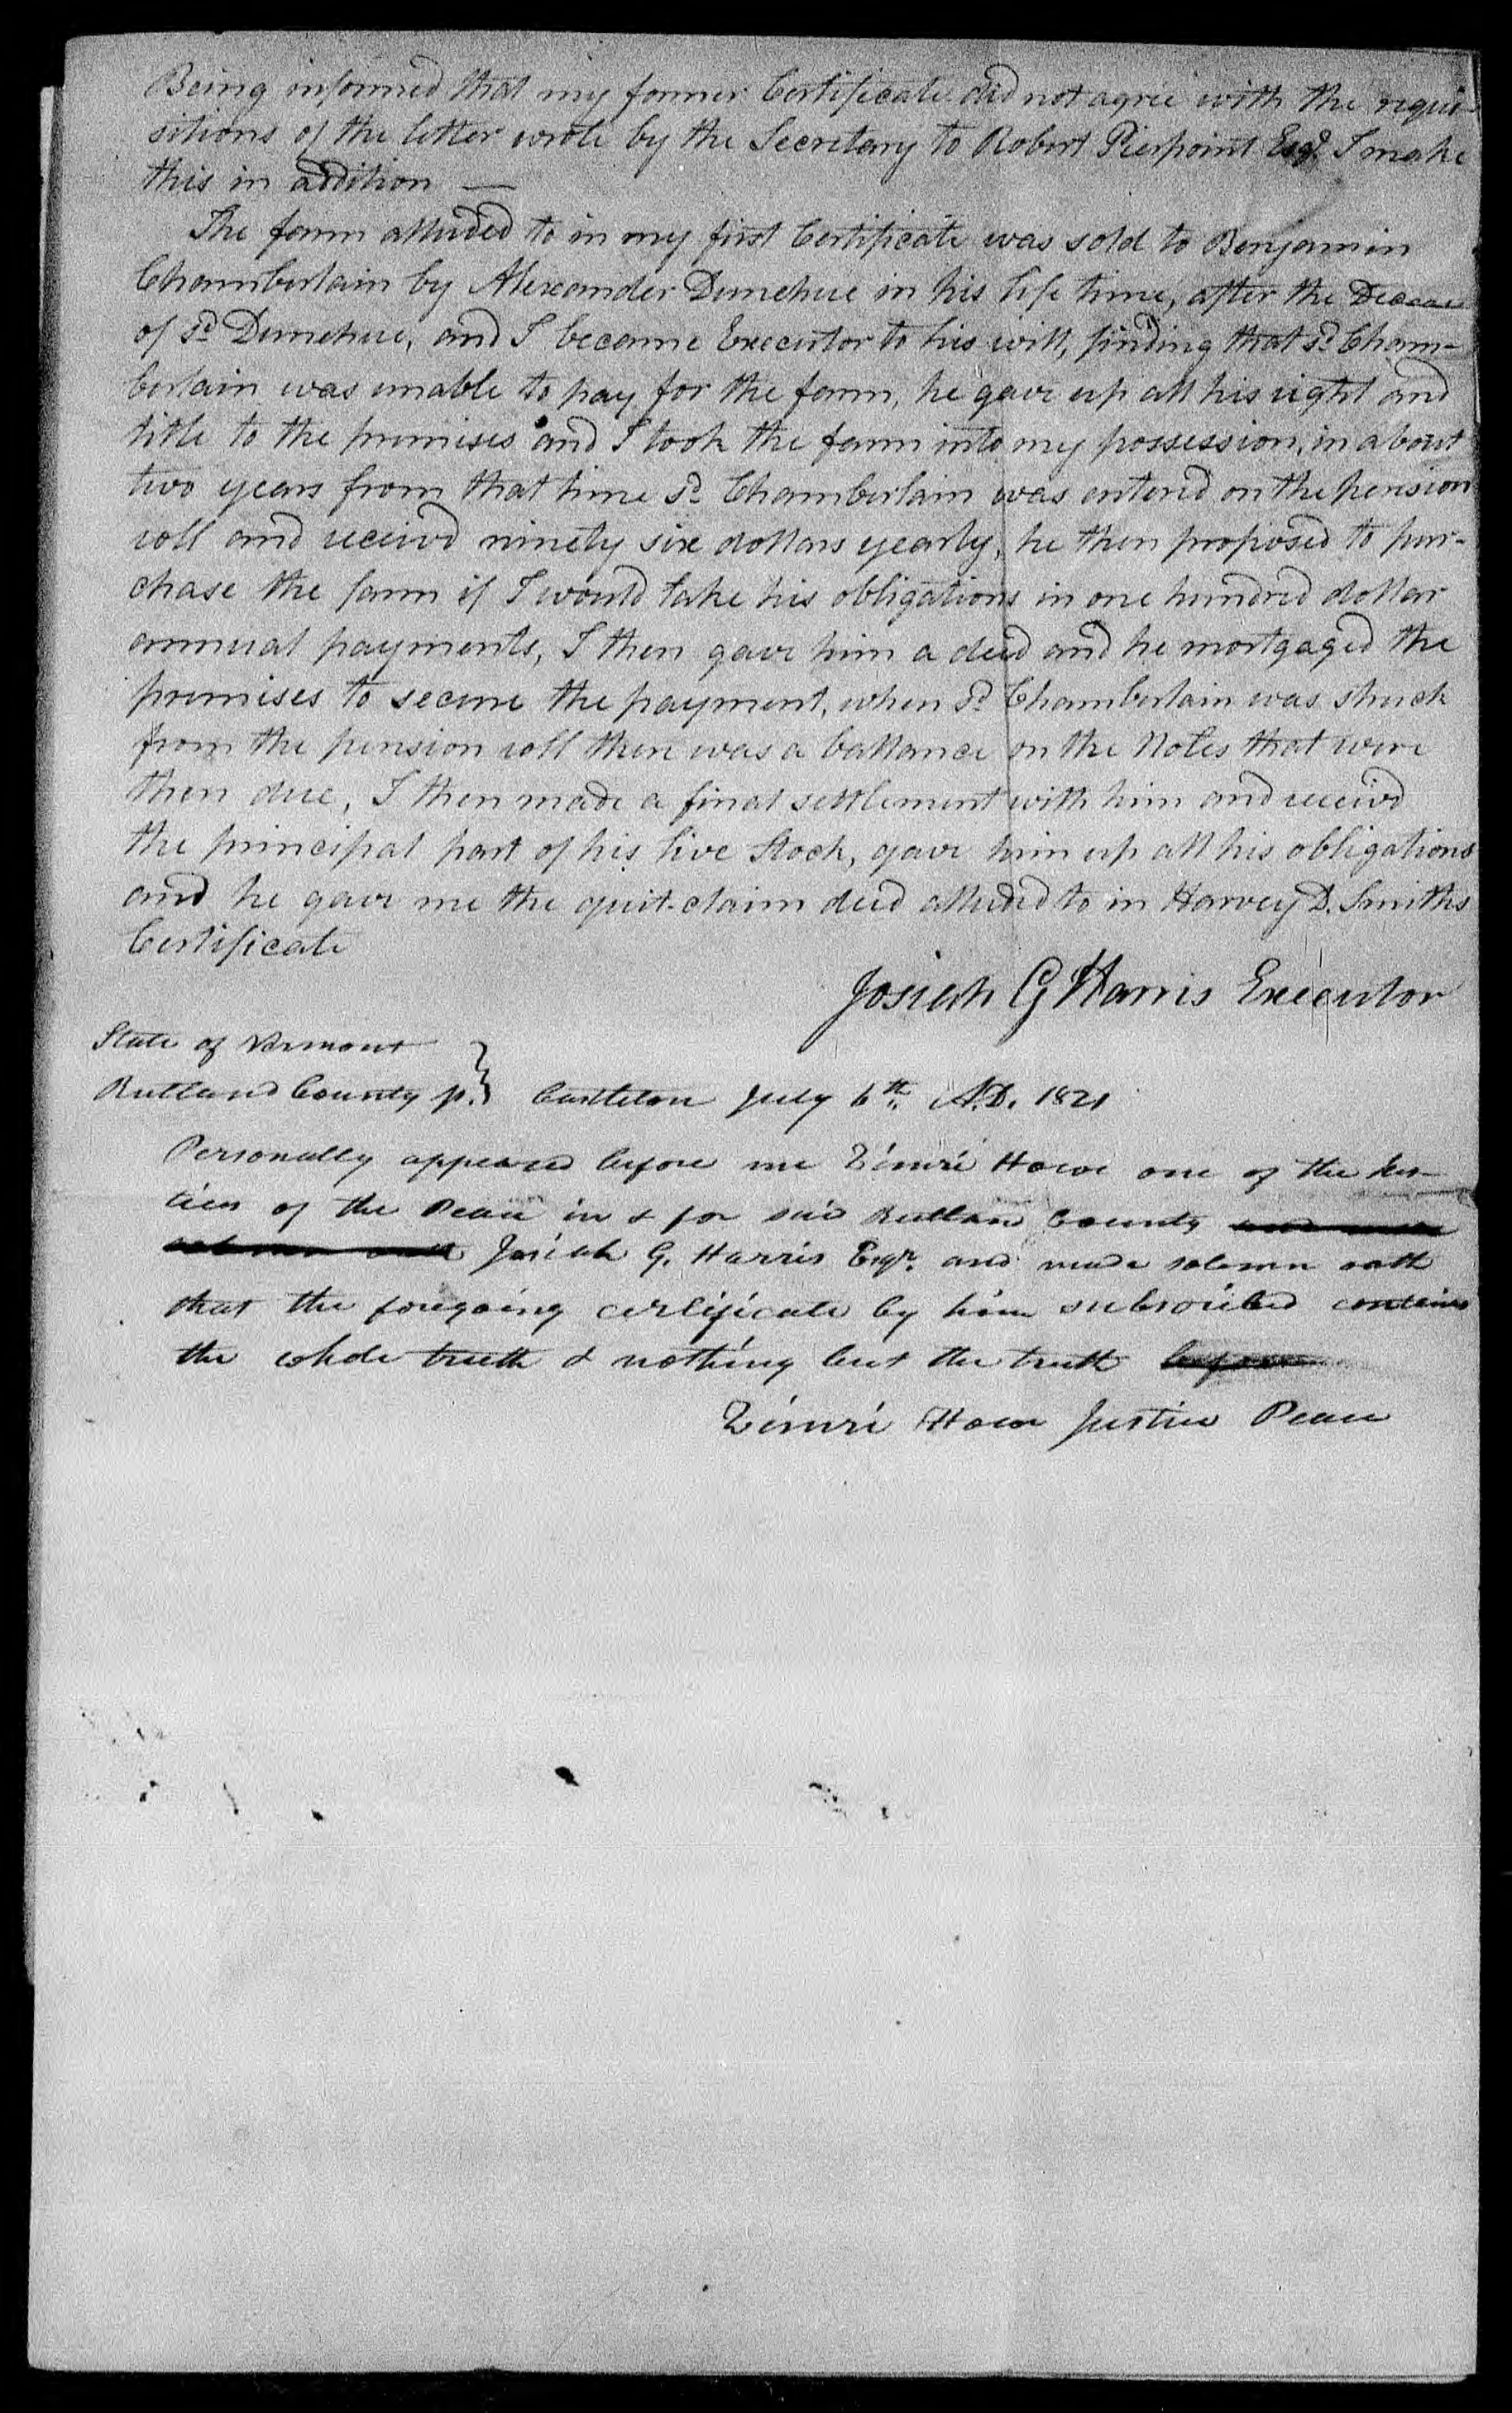Being informed that my former certificate did not agree with the requisitions of the letter wrote by the Secretary to Robert Pierpoint Esq I make this in addition -
The farm alluded to my first certificate was sold to Benjamin Chamberlain by Alexander Dunehue in his life time, after the decease of s'd Dunahue, and I became Executor to his will, finding that s'd Chamberlain was unable to pay for the farm, he gave up all his right and title to the premises and I took the farm into my possession, in about two years from that time so s'd Chamberlain was entered on the pension roll and received ninety six dollars yearly, he then proposed to purchase the farm if I would take his obligations in one hundred dollars annual payments, I then gave him a deed and he mortgaged the premises to secure the payment, when s'd Chamberlain was struck from the pension roll there was a balance on the notes that were then due, I then made a final settlement with him and received the principal part of his live stock, gave him up all his obligations and he gave me the quit claim deed alluded to in Harvey D. Smiths certificate
Josiah G. Harris Executor
State of Vermont Rutland County ss.} Partition July 6th, A.D. 1821
Personally appeared before me Zimri Howe one of the Justices of the Peace in & for said Rutland County Josiah G. Harris Esq and made a solemn oath that the foregoing certificate by him subscribed contains the whole truth & nothing but the truth
Zimri Howe Justice Peace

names: Zimri Howe, Alexander Donohue, Josiah G Harris, Josiah G Harris, Robert Pierpoint, Harvey D Smith, Chamberlain, Donohue, Zimri Howe, Benjamin Chamberlain, Chamberlain, Chamberlain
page: 17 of 30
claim: survivor's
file: S. 39306, Benjamin Chamberlin, Mass.